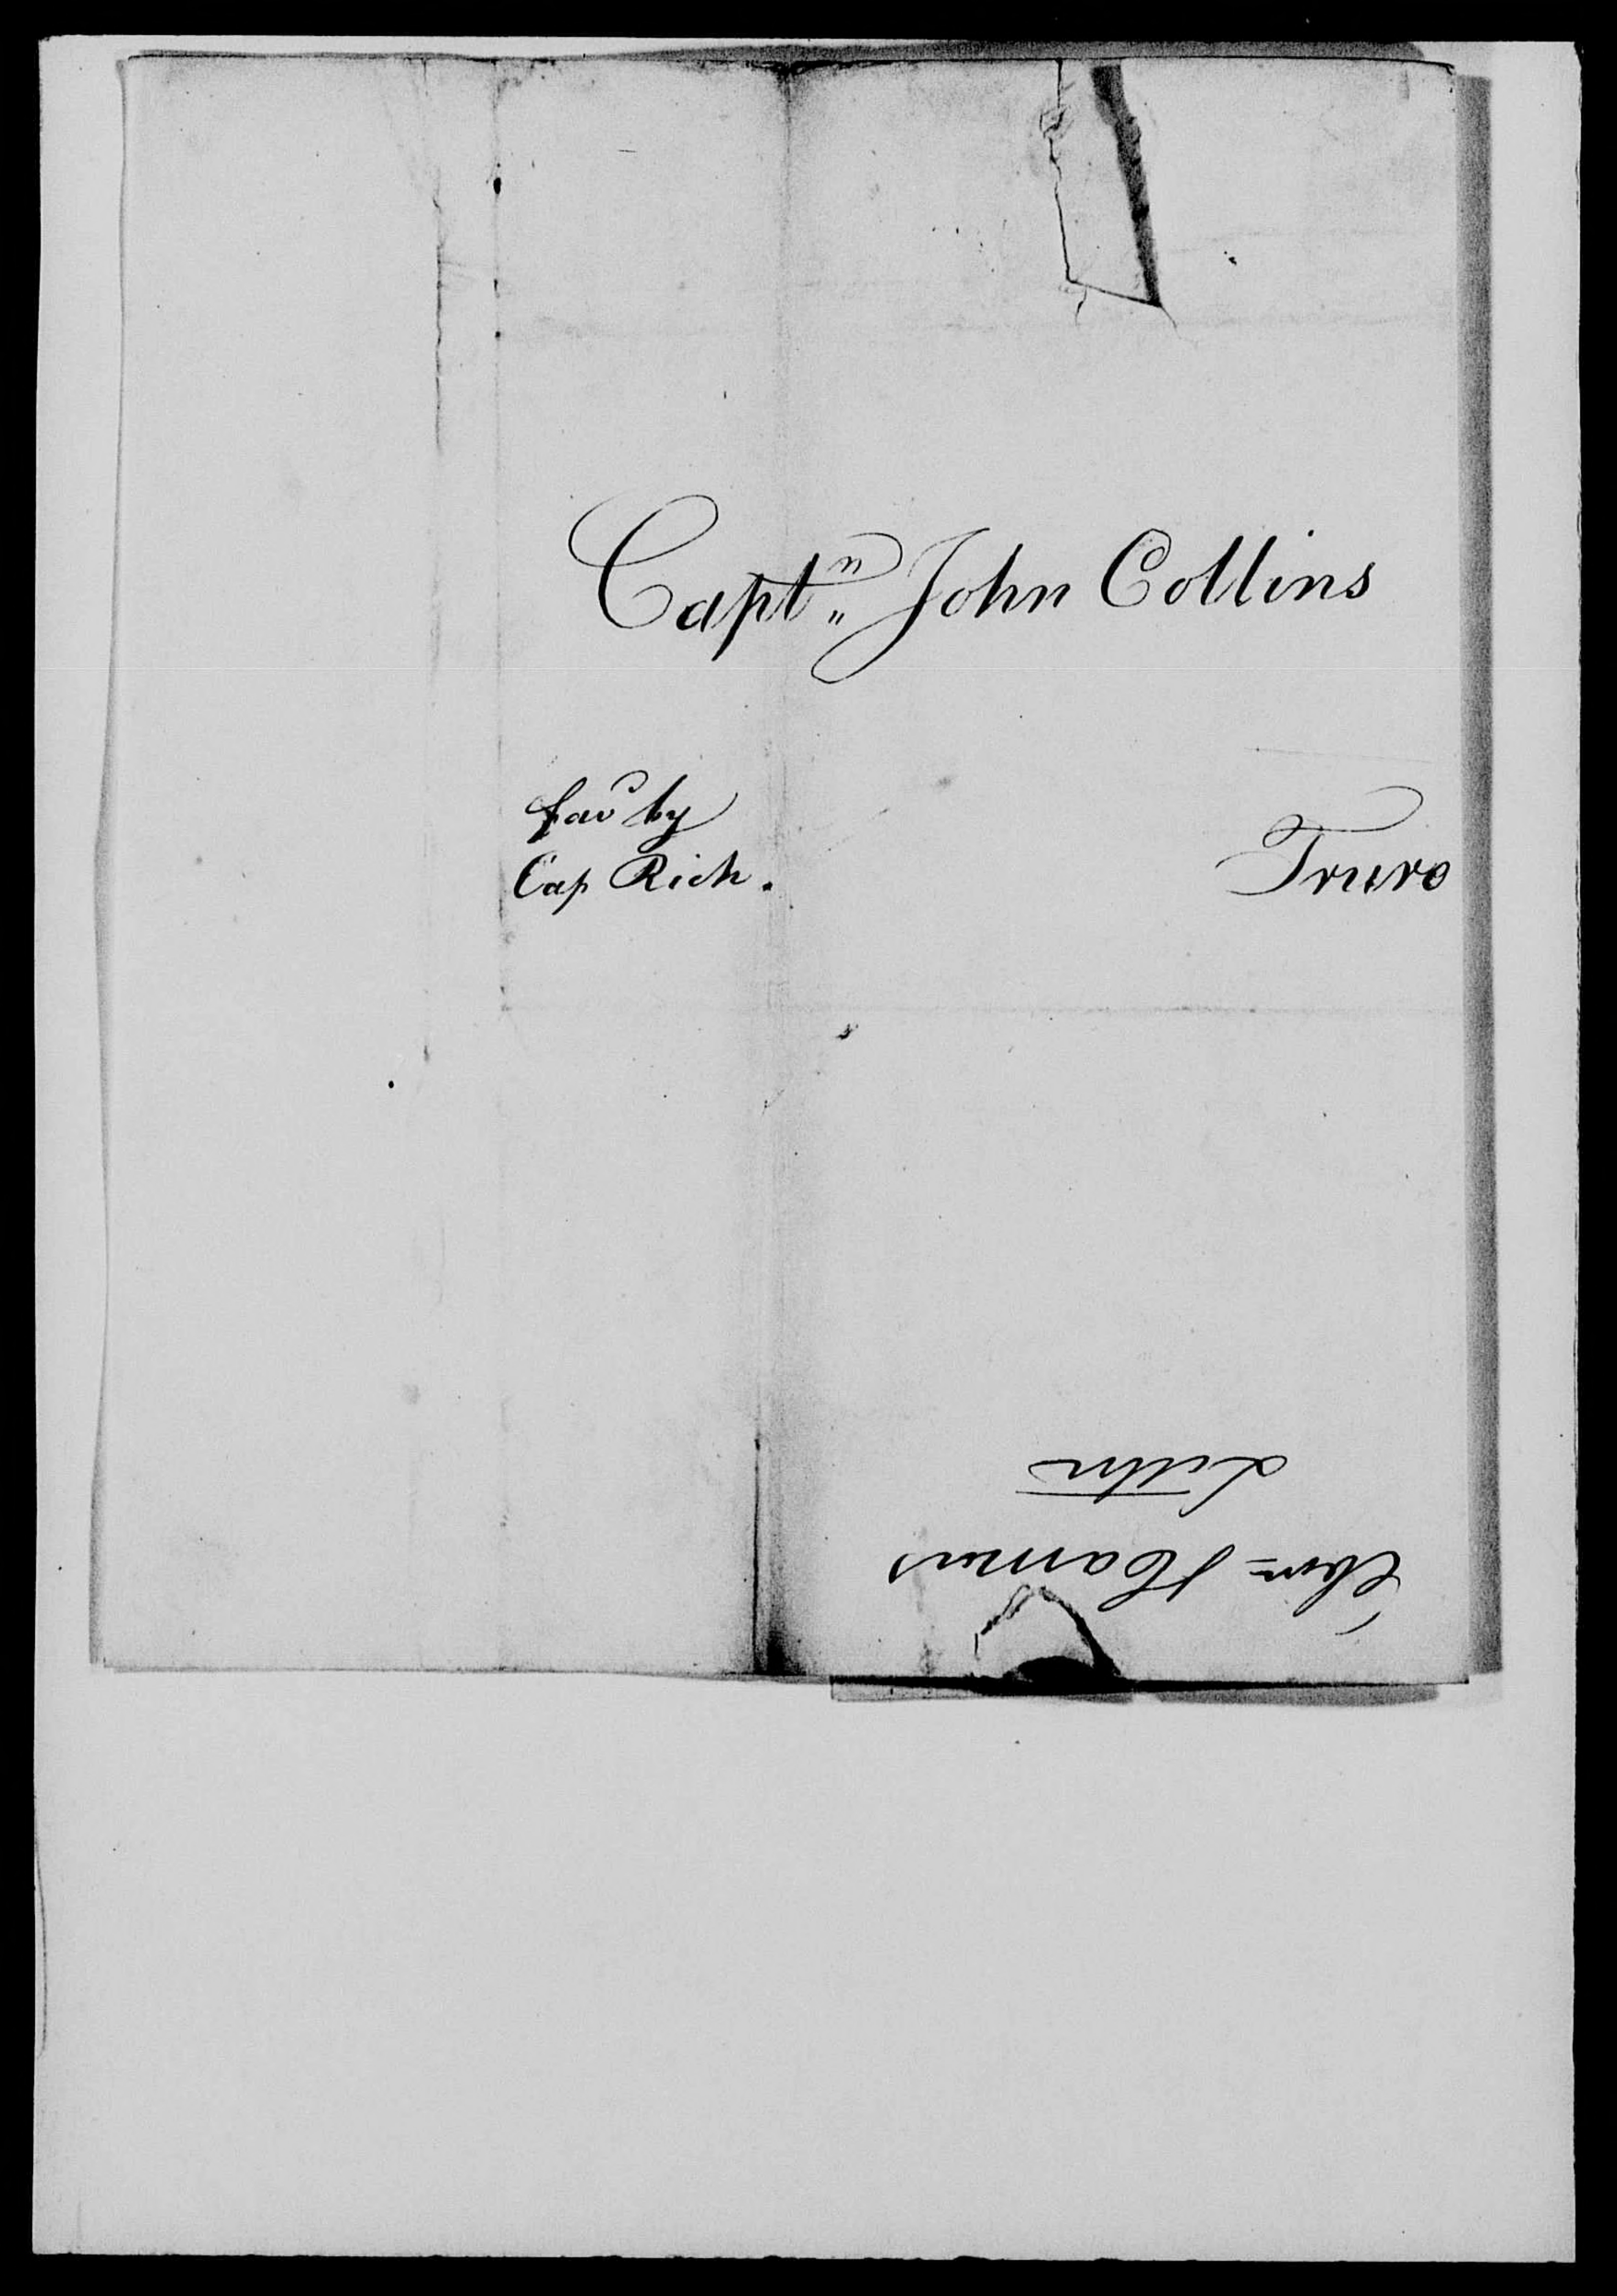Capt John Collins 

favd by Cap Rich Truro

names: Homer, Rich, John Collins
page: 29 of 43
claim: survivor's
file: S. 29,732, John Collins, Mass. Navy